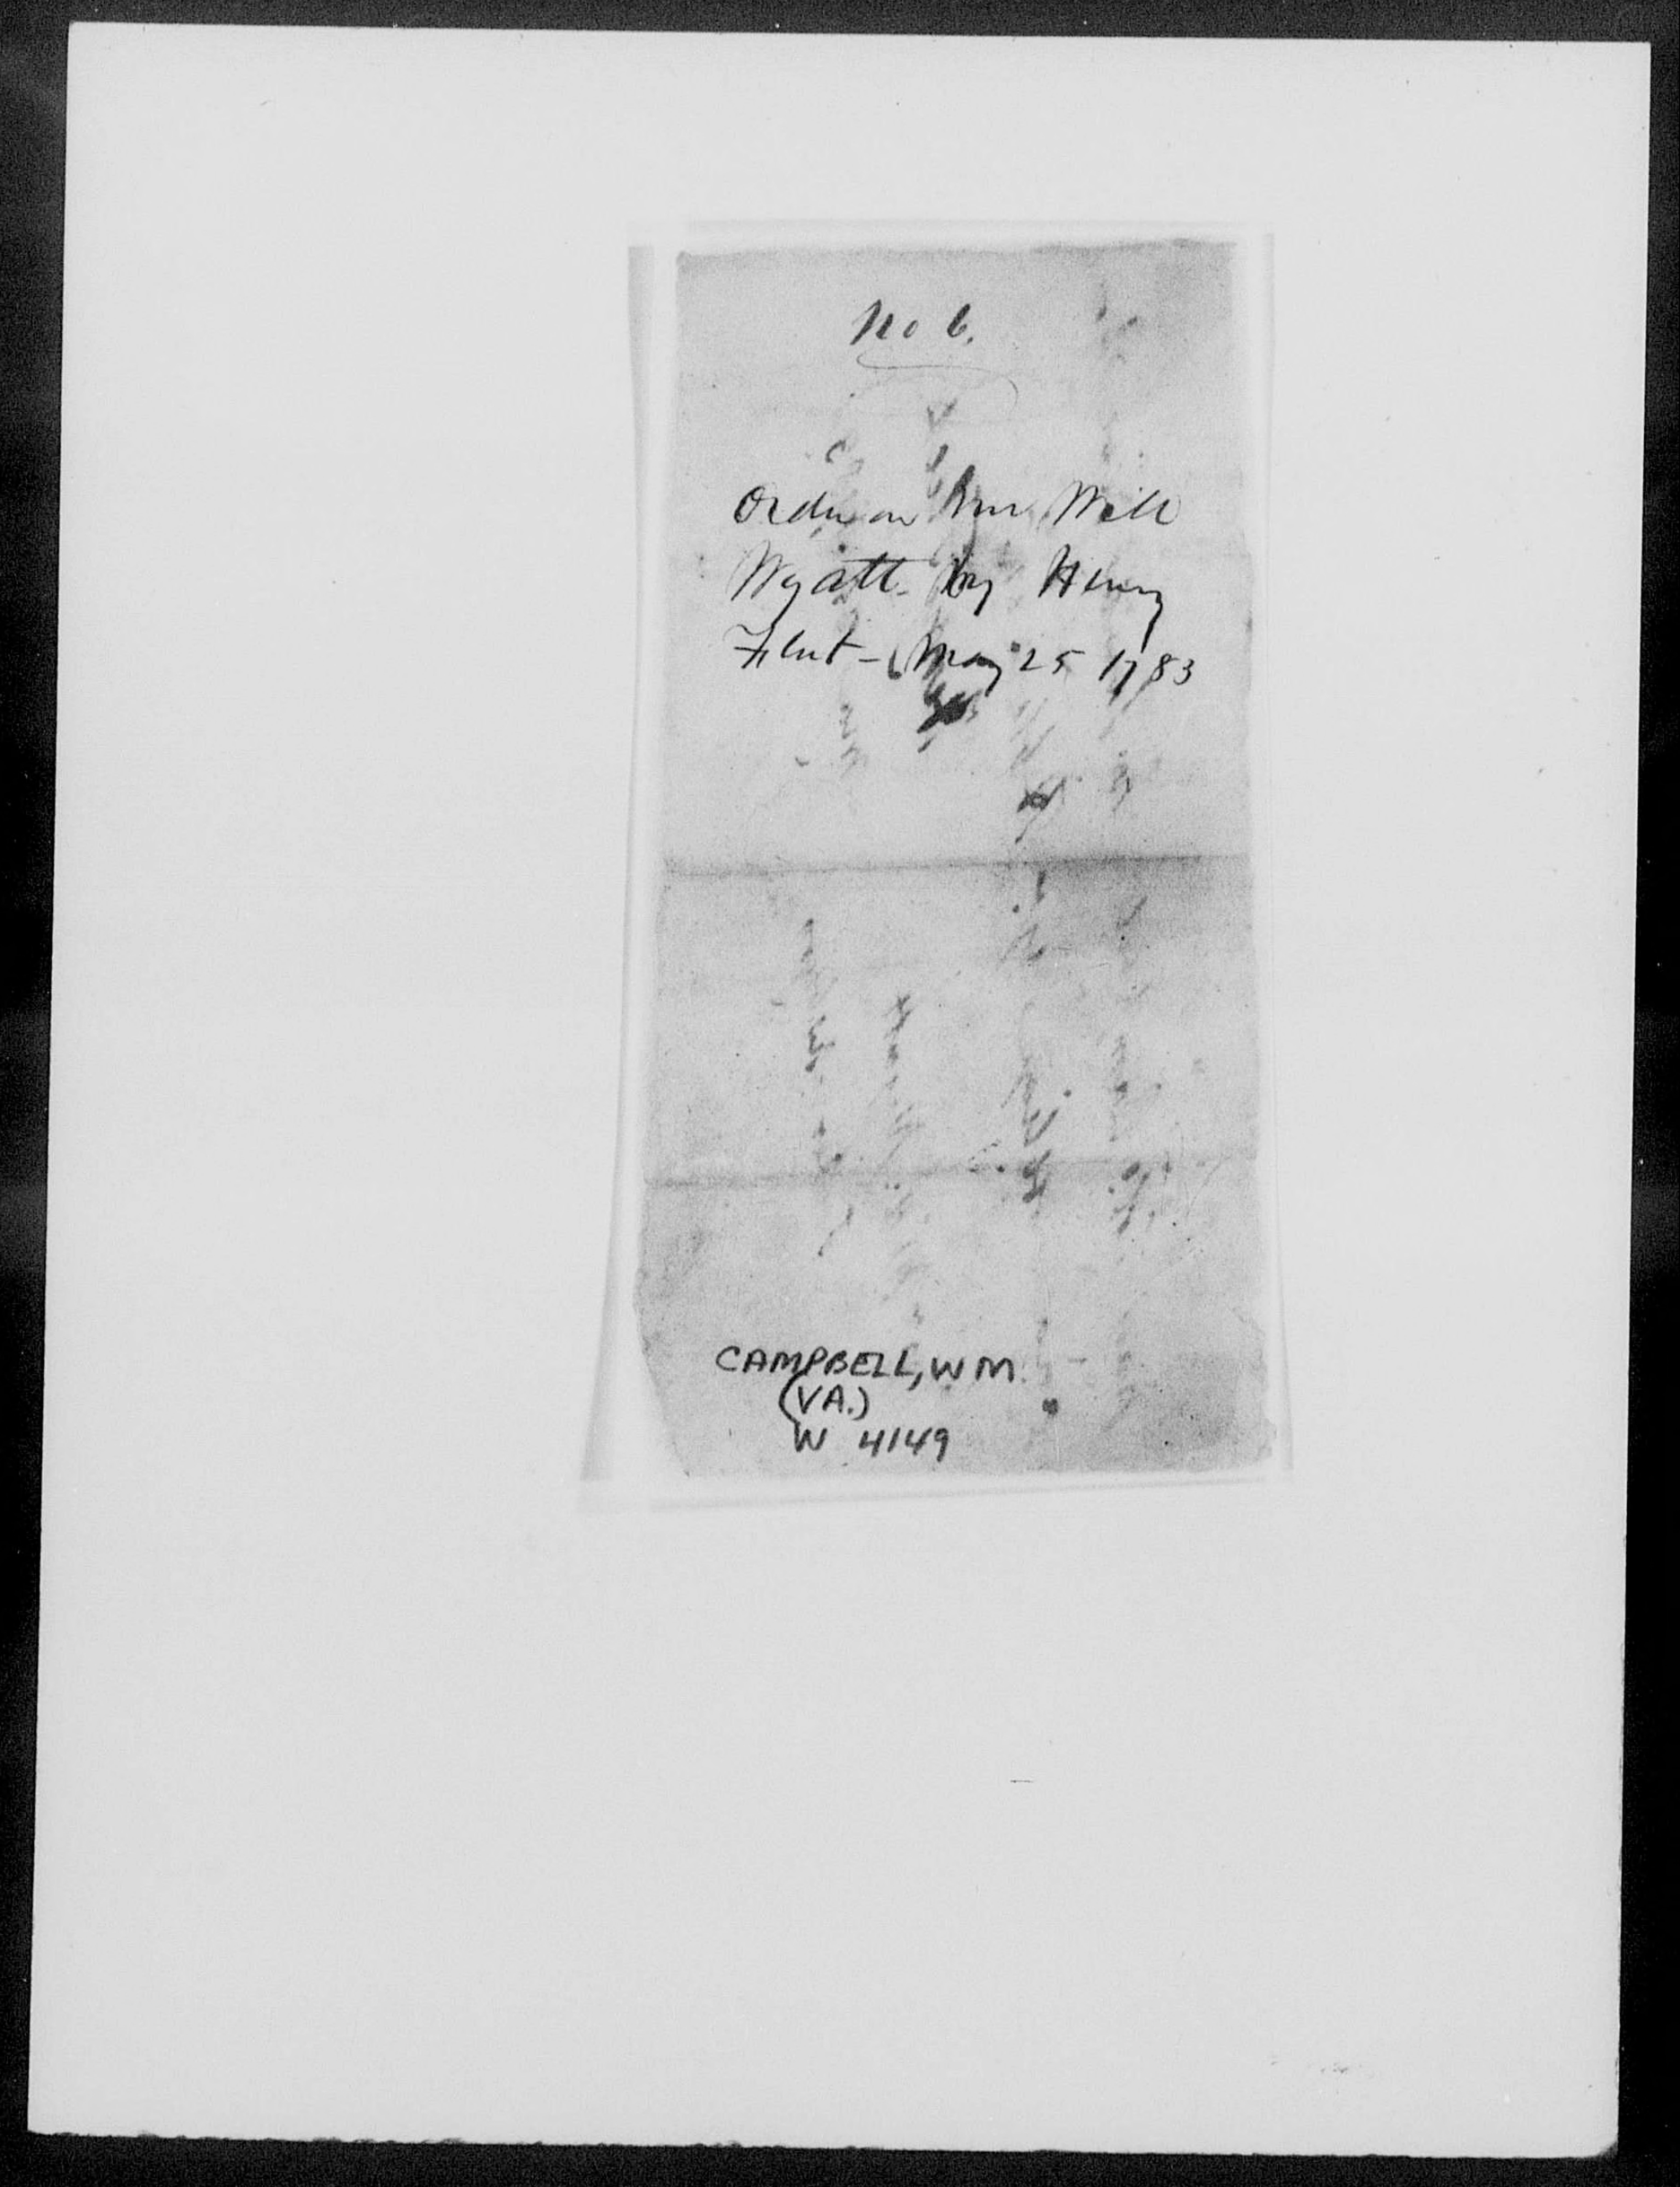Order on Mr Will Wyatt by Henry Fleet __ May 25 1783



CAMPBELL, W M
(VA.)
W.  4149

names: Henry Fleet, Will Wyatt, Wm Campbell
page: 32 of 267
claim: widow's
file: W. 4,149, William Campbell, Va.